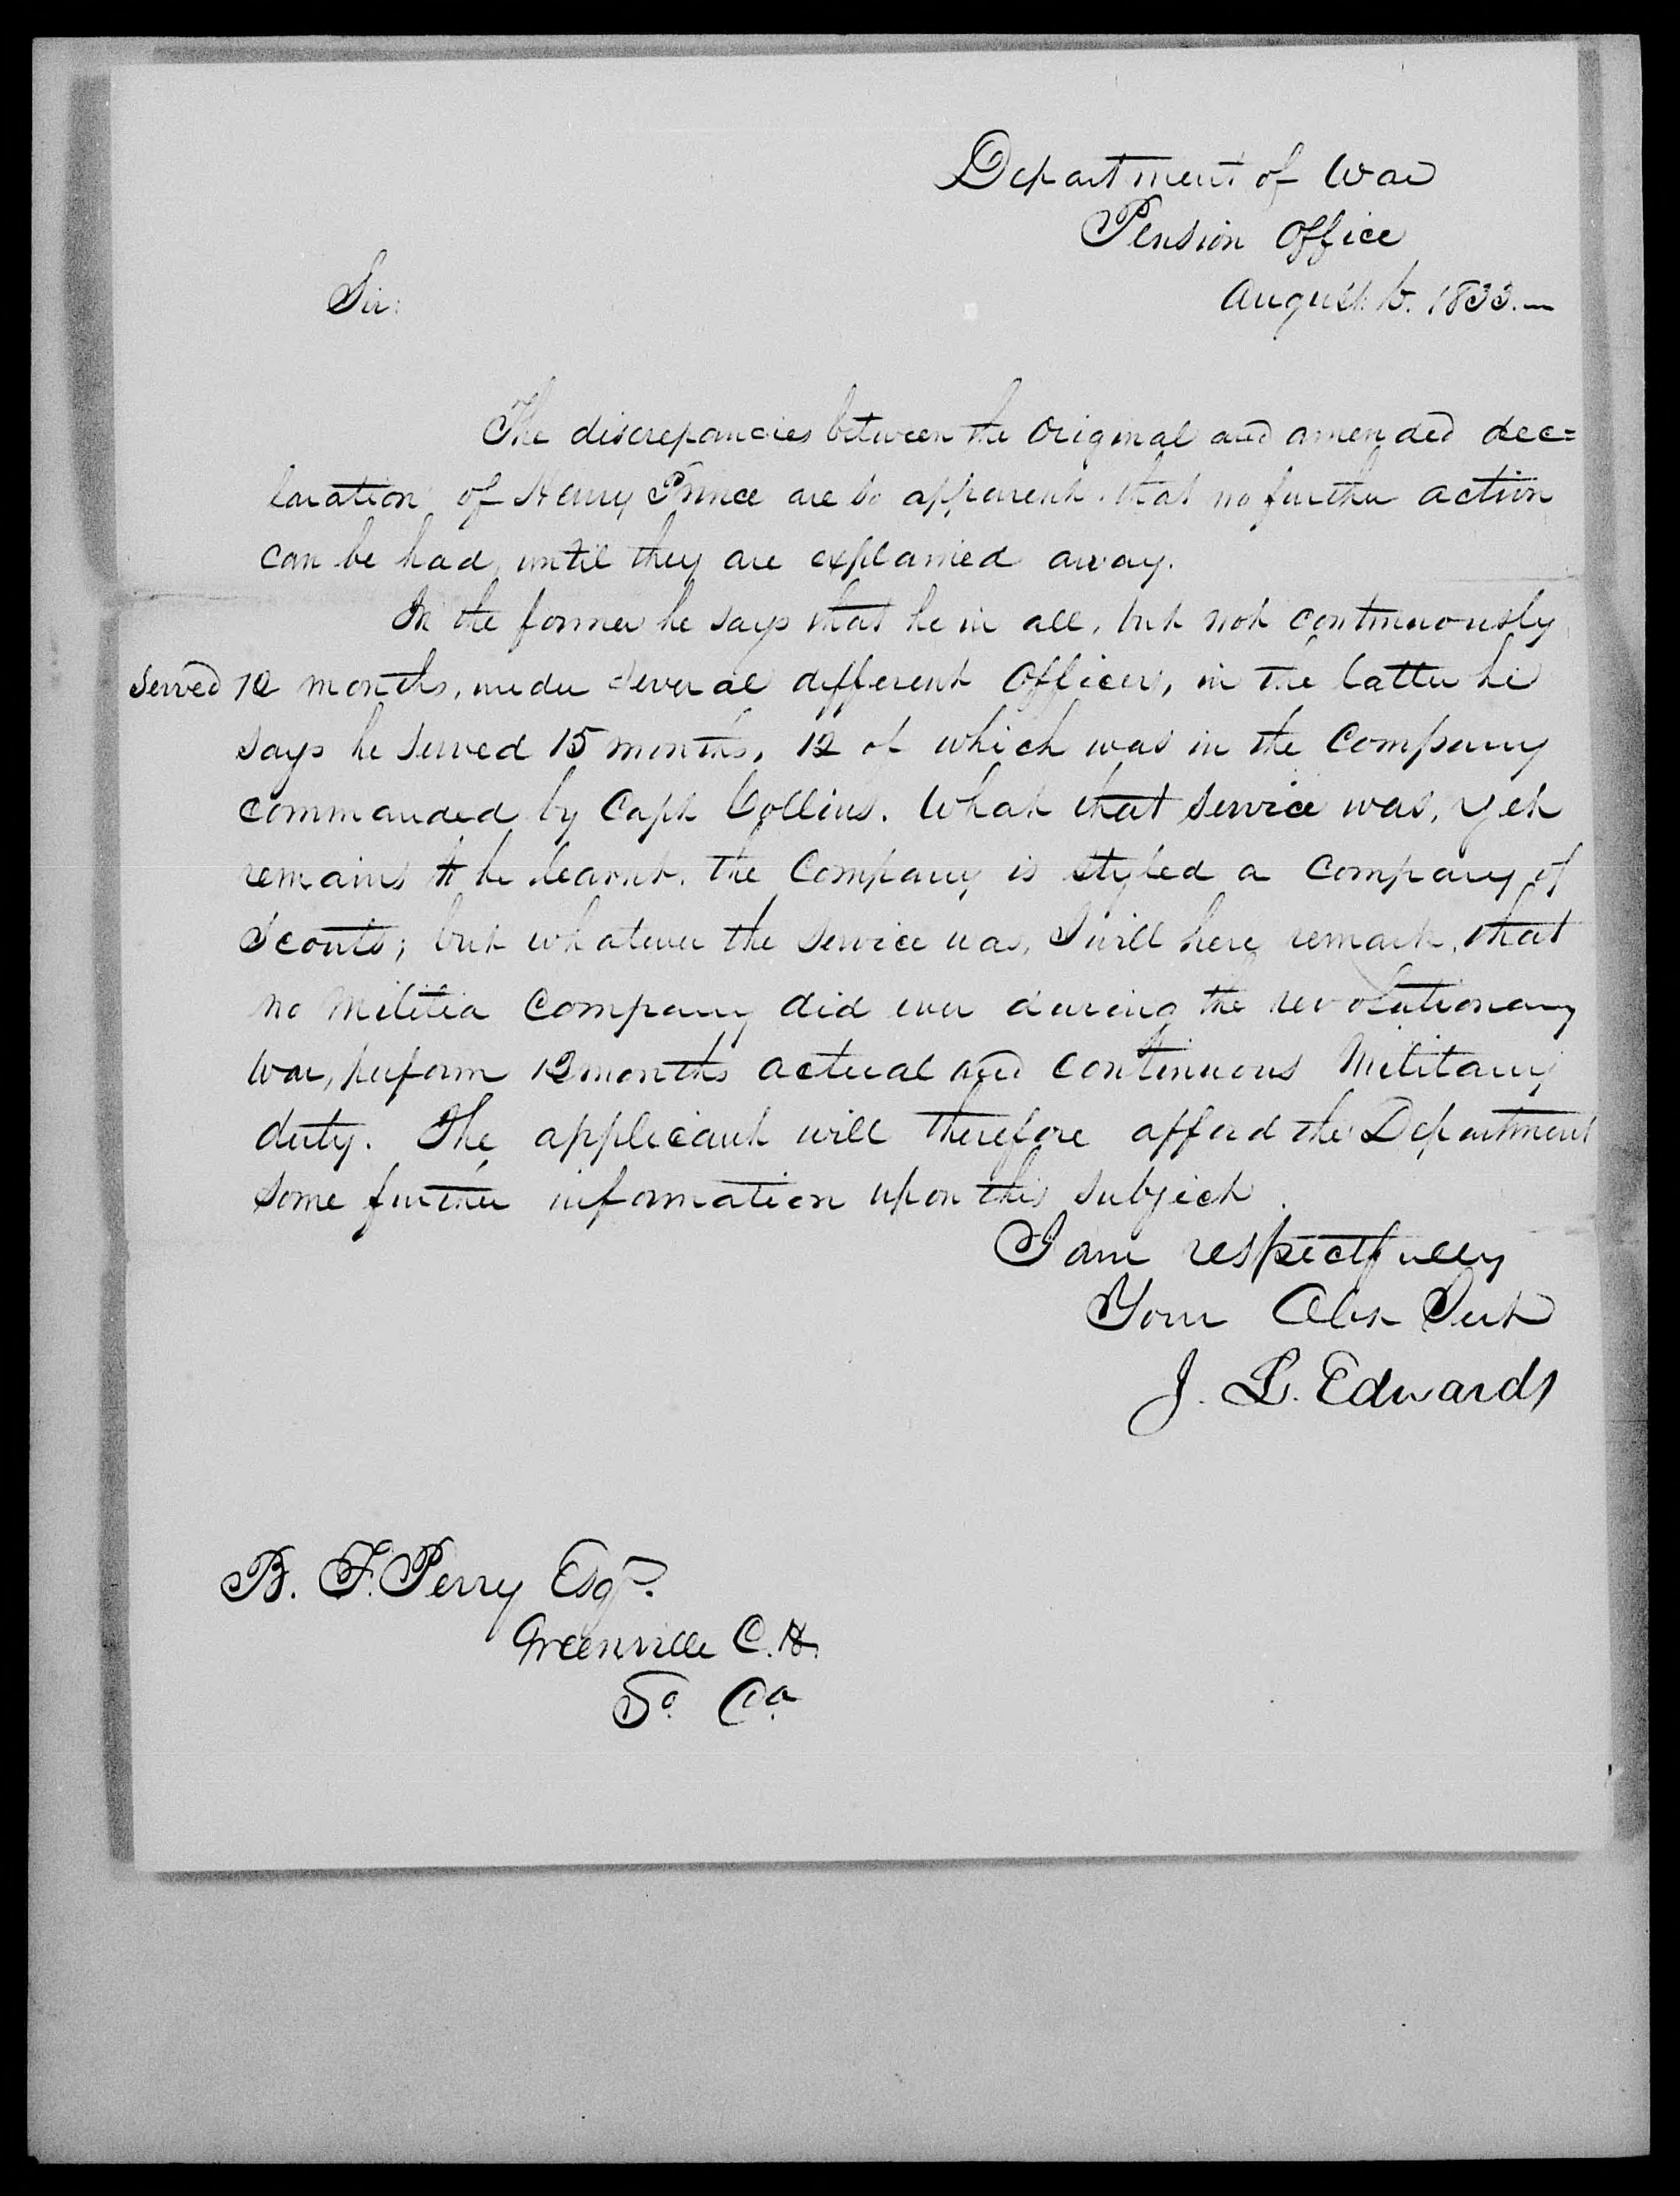Department of War
      Pension Office
          August 15 1833 - 

Sir:
     The discrepancies between the original and amended declaration of Henry Prince are so apparent that no further action can be had until they are explained away.

    In the former he says that he in all, but not continuously served 10 months, under several different officers, in the latter he says he served 15 months, 12 of which was in the Company commanded by Capt. Collins.  What that service was, yet remains to be learned.  The Company, is styled a Company of Scouts, but whatever the service was, I will here remark that no militia company, did ever during the revolutionary war perform 12 months actual and continuous military duty.  The applicant will therefore afford the Department some further information upon this subject.

          I am respectfully
            Your obed Serv
            J.L. Edwards

B.F. Perry Esq.
    Greenville C.H.
        So. Ca.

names: [BLANK] Collins; Henry Prince; J L Edwards; B F Perry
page: 12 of 23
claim: survivor's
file: S. 18,168, for Henry Prince, South Carolina